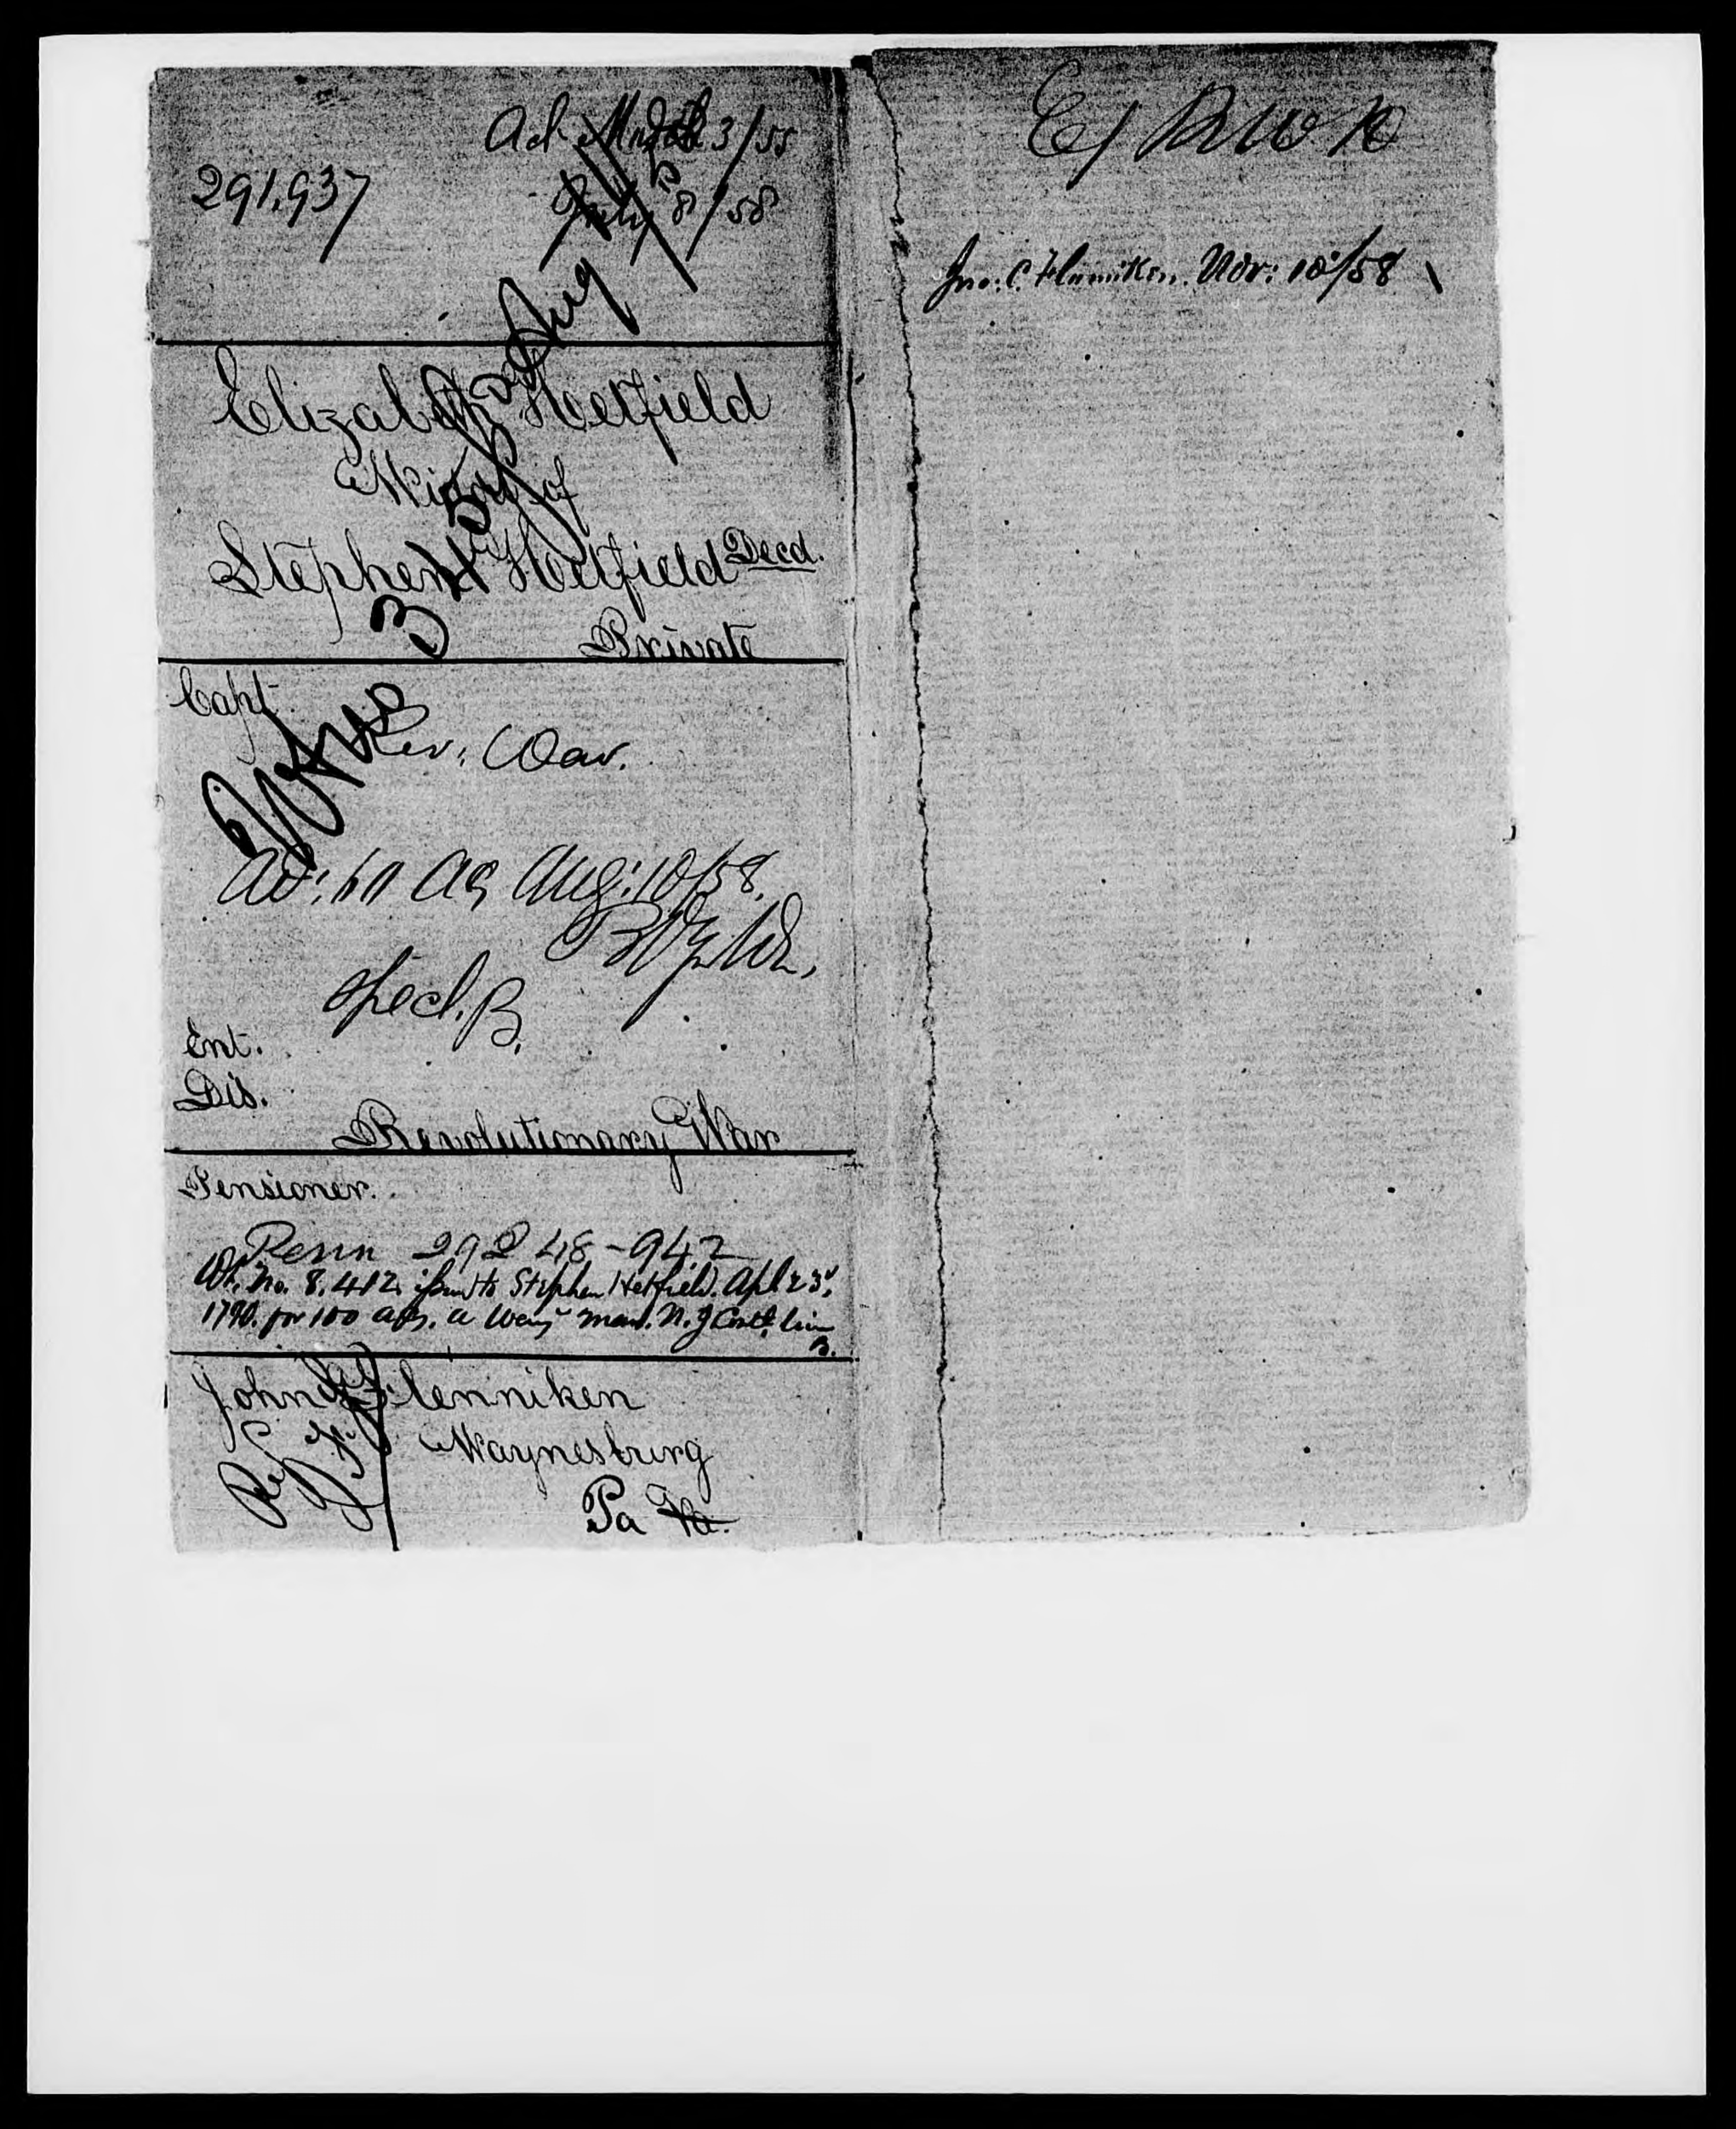[The following was written on the left side of the page.]

291.937
Ad M[??] ch 3/55
July 8/58


Elizabeth Hetfield
Widow
Stephen Hetfield  Decd.
Private
Capt.
Rev. War.

[The following was written diagonally across the above lines.]

Wt no 345 Issd Aug [?]/58  [end of this diagonal writing]

Ad: [??] A[?] Aug: 10/58.
Boynt{??]
[illegible, possibly ??ecl.B]

Ent.
Dis.
Revolutionary War
____________________________
Pensioner

Penn 292 48-942
Wt. No. 8.412. issued to Stephen Hetfield Apl 23d,
1790. for 100 a[??] a Wa[?] ma[?] N.J. Contl line [?]

John [?] Flenniken
Waynesburg
Pa Pa[struck through]

[The following was written diagonally across the above 3 lines.]

Ref
[?] F. [??]  [End of diagonal writing]

[The following was written on the right side of the page.]

[??] Book

Jno: C. Flenniken  Nov: 10/58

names: Stephen Hetfield, Jno C Flenniken, Elizabeth Hetfield, John Flenniken, Stephen Hetfield, Boynton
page: 4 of 45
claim: widow's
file: W. 2734, Stephen Hetfield, New Jersey